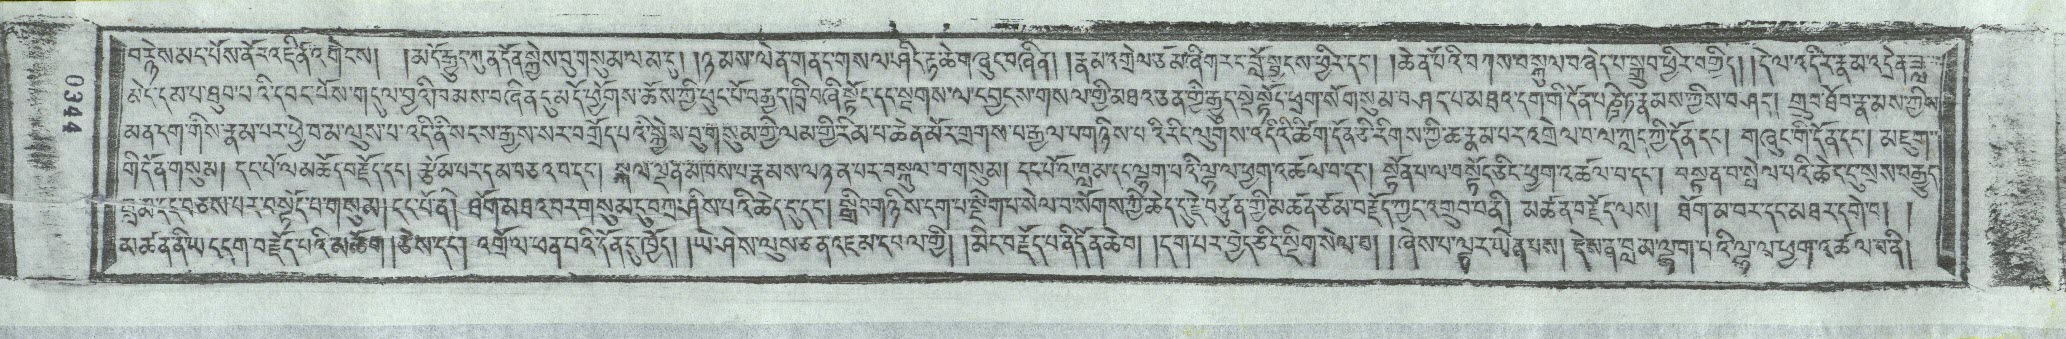བརྙེས་མང་པོས་ནོར་འཛིན་འགེངས། །མདོ་རྒྱུད་ཀུན་དོན་སྐྱེས་བུ་གསུལ་ལམ་དུ། །ཉམས་ལེན་གནང་གསལ་ཤིང་རྟེ་ཆེ་གཞུང་བཞིན། །རྣམ་འགྲེལ་ཙམ་ཞིག་རང་བློ་སྦྱངས་ཕྱིར་དང་། །ཆེན་པོའི་བཀས་བསྐུལ་བཞེད་པ་སྒྲུབ་ཕྱིར་བགྱིད། །དེ་ལ་འདིར་རྣམ་འདྲེན་ཟླ་
མེད་དམ་པ་ཐུབ་པའི་དབང་པོས་གདུལ་བྱའི་ཁམས་བཞིན་དུ་མདོ་ཕྱོགས་ཆོས་ཀྱི་ཕུང་པོ་བརྒྱད་ཁྲི་བཞི་སྟོང་དང་སྔགས་ལ་དབྱངས་གསལ་གྱི་མཐའ་ཅན་གྱི་རྒྱུད་སྡེ་སྟོང་ཕྲག་སོ་གསུམ་བཤད་པ་མཐའ་དག་གི་དོན་པཎྜི་ཏ་རྣམས་ཀྱིས་བཤད། གྲུབ་ཐོབ་རྣམས་ཀྱིས་
མན་དག་གིས་རྣམ་པར་ཕྱེ་བ་མ་ལུས་པ་འདི་ནི་སངས་རྒྱས་སར་བགྲོད་པའི་སྐྱེས་བུ་གསུམ་གྱི་ལམ་གྱི་རིམ་པ་ཆེན་མོར་གྲགས་པ་རྒྱལ་བ་གཉིས་པའི་རིང་ལུགས་འདིའི་ཚིག་དོན་ཅི་རིགས་ཀྱི་ཆ་རྣམ་པར་འགྲེལ་བ་ལ་ཀླད་ཀྱི་དོན་དང་། གཞུང་གི་དོན་དང་། མཇུག་
གི་དོན་གསུམ། དང་པོ་ལ་མཆོད་བརྗོད་དང་། རྩོམ་པར་དམ་བཅའ་བ་དང་། སྐལ་ལྡན་མཁས་པ་རྣམས་ལ་ཉན་པར་བསྐུལ་བ་གསུམ། དང་པོ་ལ་བླ་མ་དང་ལྷག་པའི་ལྷ་ལ་ཕྱག་འཚལ་བ་དང་། སྟོན་པ་ལ་བསྟོང་ཅིང་ཕྱག་འཚལ་བ་དང་། བསྟན་པ་སྤེལ་པའི་ཆེང་དུ་སྲས་བརྒྱུད་
བླ་མ་དང་བཅས་པར་བསྟོང་པ་གསུམ། དང་པོ་ནི། ཐོག་མཐའ་བར་གསུམ་དུ་བཀྲ་ཤིས་པའི་ཆེད་དུ་དང་། སྒྲིབ་གཉིས་དག་པ་སྡིག་པ་སེལ་བ་སོགས་ཀྱི་ཆེད་དུ་རྗེ་བཙུན་གྱི་མཚན་ཙམ་བརྗོད་ཀྱང་འགྲུབ་པ་ནི། མཚན་བརྗོད་ལས། ཐོག་མ་བར་དང་མཐར་དགེ་བ།།
མཚན་ནི་ཡང་དག་བརྗོད་པའི་མཆོག །ཅེས་དང་། འགྲོ་ལ་ཕན་པའི་དོན་དུ་ཁྱོད། །ཡེ་ཤེས་ལུས་ཅན་འཇམ་དཔལ་གྱི། །མིང་བརྗོད་པ་ནི་དོན་ཆེ་བ། །དག་པར་བྱེད་ཅིང་སྡིག་སེལ་བ། །ཞེས་པ་ལྟར་ཡིན་པས། དེས་ན་བླ་མ་ལྷག་པའི་ལྷ་ལ་ཕྱག་འཚལ་བ་ནི།